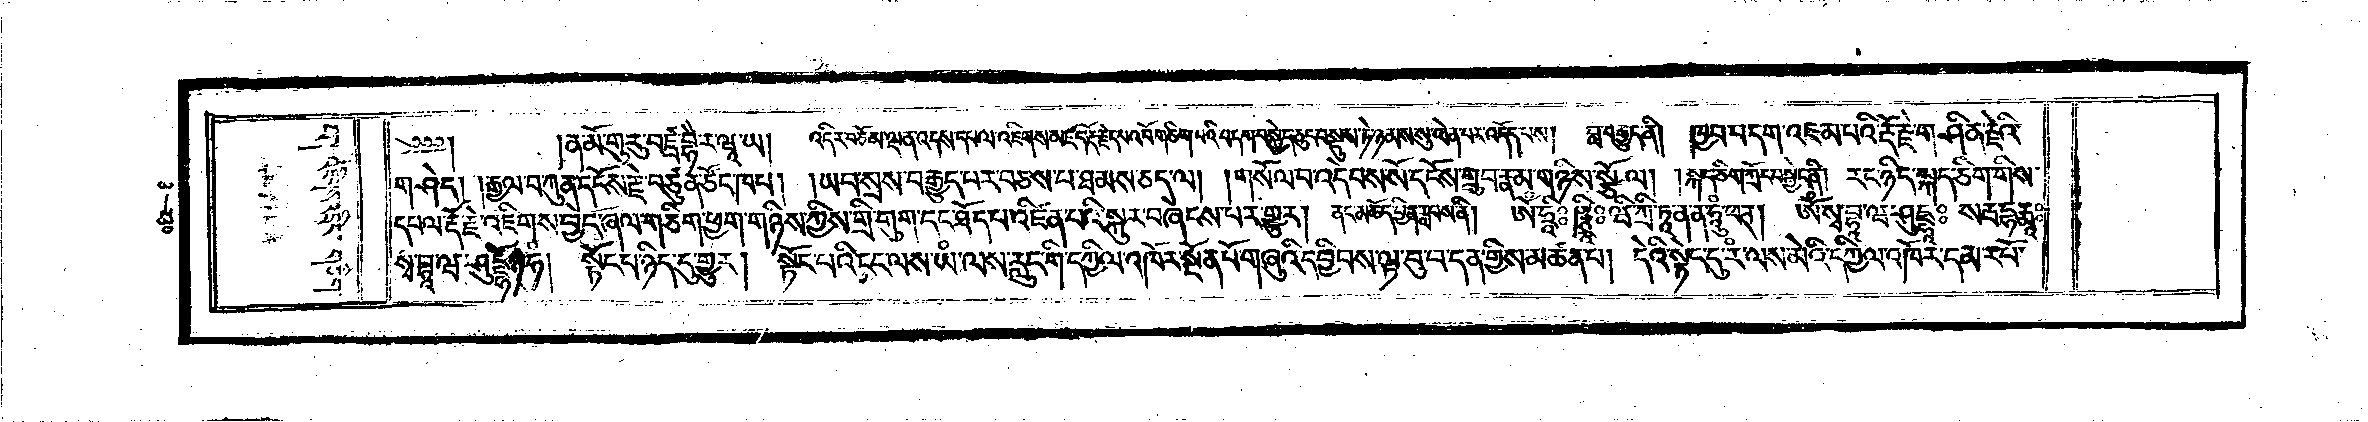༄༅༅། །ན་མོ་གུ་རུ་བཛྲ་བྷཻ་ར་ཝཱ་ཡ། འདིར་བཅོམ་ལྡན་འདས་དཔལ་འཇིགས་མཛད་རྡོ་རྗེ་དཔའ་བོ་གཅིག་པའི་བདག་བསྐྱེད་ཅུང་བསྡུས་ཏེ་ཉམས་སུ་ལེན་པར་འདོད་པས། བླ་བརྒྱུད་ནི།  ཁྱབ་བདག་འཇམ་པའི་རྡོ་རྗེ་གཤིན་རྗེའི་
གཤེད། །རྒྱལ་བ་ཀུན་དངོས་རྗེ་བཙུན་ཙོང་ཁ་པ། །ཡབ་སྲས་བརྒྱུད་པར་བཅས་པ་ཐམས་ཅད་ལ། །གསོལ་བ་འདེབས་སོ་དངོས་གྲུབ་རྣམ་གཉིས་སྩོལ། །སྐད་ཅིག་ཀྲོང་བསྐྱེད་ནི། རང་ཉིད་སྐད་ཅིག་གིས་
དཔལ་རྡོ་རྗེ་འཇིགས་བྱེད་ཞལ་གཅིག་ཕྱག་གཉིས་ཀྱིས་གྲི་གུག་དང་ཐོད་པ་འཛིན་པའི་སྐུར་བཞེངས་པར་གྱུར། ནང་མཆོད་བྱིན་རླབས་ནི། ཨོཾ་ཧྲཱིཿ ཥྚཱིཿ ཝི་ཀྲི་ཏཱ་ན་ན་ཧཱུཾ་ཕཊ། ཨོཾ་སྭ་བྷཱ་ཝཿ ཤུདྡྷཱཿ སརྦ་དྷརྨཱཿ
སྭ་བྷཱ་ཝ་ཤུདྡྷོ་ཉ་ཧཾ། སྟོང་པ་ཉིད་དུ་གྱུར། སྟོང་པའི་ངང་ལས་ཡཾ་ལས་རླུང་གི་དཀྱིལ་འཁོར་སྔོན་པོ་གཞུའི་དབྱིབས་ལྟ་བུ་བ་དན་གྱིས་མཚན་པ། དེའི་སྟེང་དུ་རཾ་ལས་མེའི་དཀྱིལ་འཁོར་དམར་པོ་